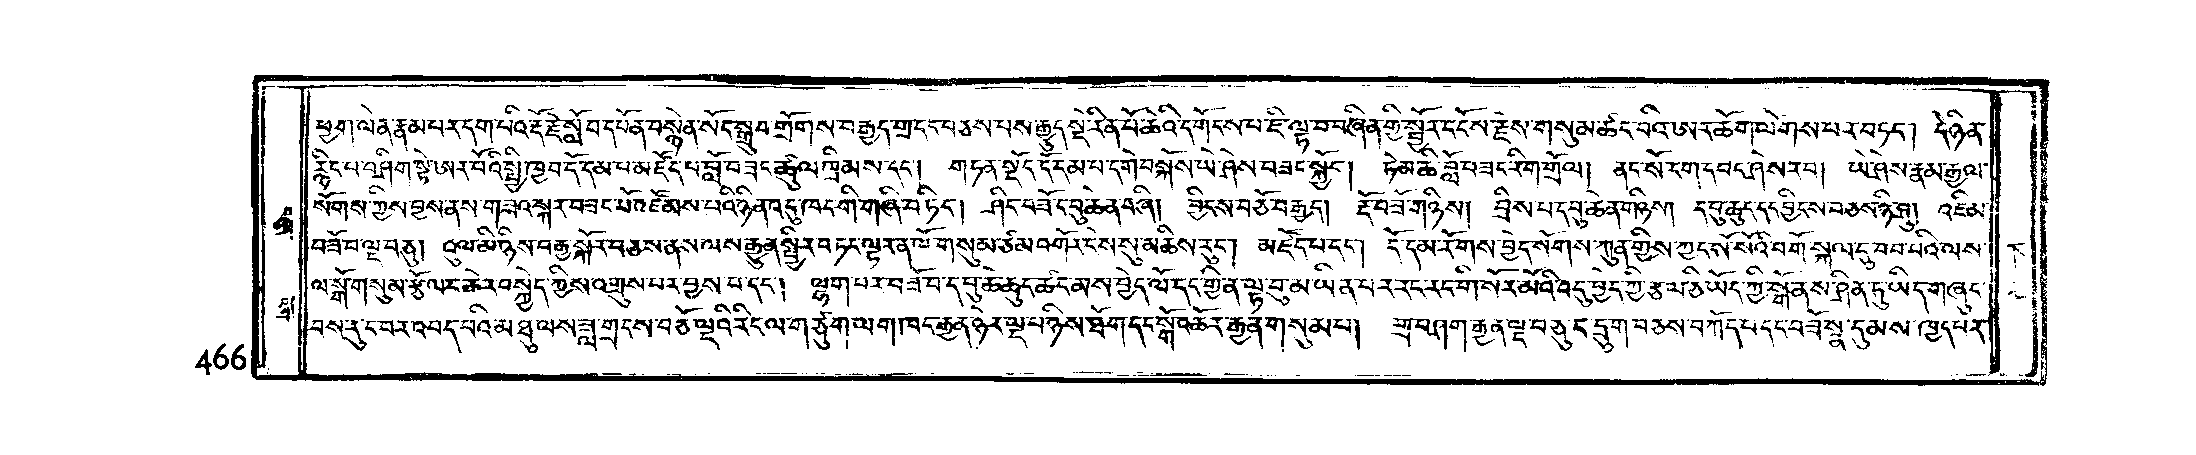ཕྱག་ལེན་རྣམ་པར་དག་པའི་རྡོ་རྗེ་སློབ་དཔོན་བསྙེན་སོང་སྒྲུབ་གྲོགས་བརྒྱད་གྲ་དང་བཅས་པས་རྒྱུད་སྡེ་རིན་པོ་ཆེའི་དགོངས་པ་ཇི་ལྟ་བ་བཞིན་གྱི་སྦྱོར་དངོས་རྗེས་གསུམ་ཚང་བའི་ཨར་ཆོག་ལེགས་པར་བཏང་། དེ་ཉིན་
རྙིང་པ་བཤིག་སྟེ་ཨར་པོའི་སྤྱི་ཁྱབ་དོ་དམ་པ་མཛོད་པ་བློ་བཟང་ཚུལ་ཁྲིམས་དང་། གཏན་སྡོད་དོ་དམ་པ་དགེ་བསྐོས་ཡེ་ཤེས་བཟང་སྐྱོང་། ཏེམ་ཆི་བློ་བཟང་རིག་གྲོལ། ནང་སོ་ངག་དབང་ཤེས་རབ། ཡེ་ཤེས་རྣམ་རྒྱལ་
སོགས་ཀྱིས་བྱས་ནས་གཟའ་སྐར་བཟང་པོ་འཛོམས་པའི་ཉིན་འདུ་ཁང་གི་གཞི་བཏིང་། ཤིང་བཟོ་དབུ་ཆེན་བཞི། བྱིངས་བཅོ་བརྒྱད། རྡོ་བཟོ་གཉིས། བྲིས་པ་དབུ་ཆེན་གཉིས། དབུ་ཆུང་དང་བྱིངས་བཅས་ཉི་ཤུ། འཇིམ་
བཟོ་བ་ལྔ་བཅུ། འུལ་མི་ཉིས་བརྒྱ་སྐོར་བཅས་ནས་ལས་རྒྱུན་སྤྱིར་བཏང་ལྟར་ན་ལོ་གསུམ་ཙམ་བགོར་ངེས་སུ་མཆིས་རུང་། མཛོད་པ་དང་། དོ་དམ་རོགས་བྱེད་སོགས་ཀུན་གྱིས་ཀྱང་སོ་སོའི་བགོ་སྐལ་དུ་བབ་པའི་ལས་
ལ་སྒོ་གསུམ་རྩོལ་ལང་ཆེར་བསྐྱེད་ཀྱིས་འགྲུས་པར་བྱས་པ་དང་། ལྷག་པར་བཟོ་བ་དབུ་ཆེ་ཆུང་ཚང་མས་བྱེད་ལོ་དང་གྱི་ན་ལྟ་བུ་མ་ཡིན་པར་རང་རང་གི་སོར་མོའི་འདུ་བྱེད་ཀྱི་རྩལ་ཅི་ཡོད་ཀྱི་སྒོ་ནས་ཤིན་ཏུ་ཡིད་གཞུང་
བས་རུང་བར་འབད་པའི་མཐུ་ལས་ཟླ་གྲངས་བཅོ་ལྔའི་རིང་ལ་གཙུག་ལག་ཁང་རྒྱན་ཉེར་ལྔ་པ་ཉིས་ཐོག་དང་སྒོ་འཆོར་རྒྱན་གསུམ་པ། གྲ་བཤག་རྒྱན་ལྔ་བཅུ་ང་དྲུག་བཅས་བཀོད་པ་དང་བཟོ་སྣ་དུམས་ཁྱད་པར་